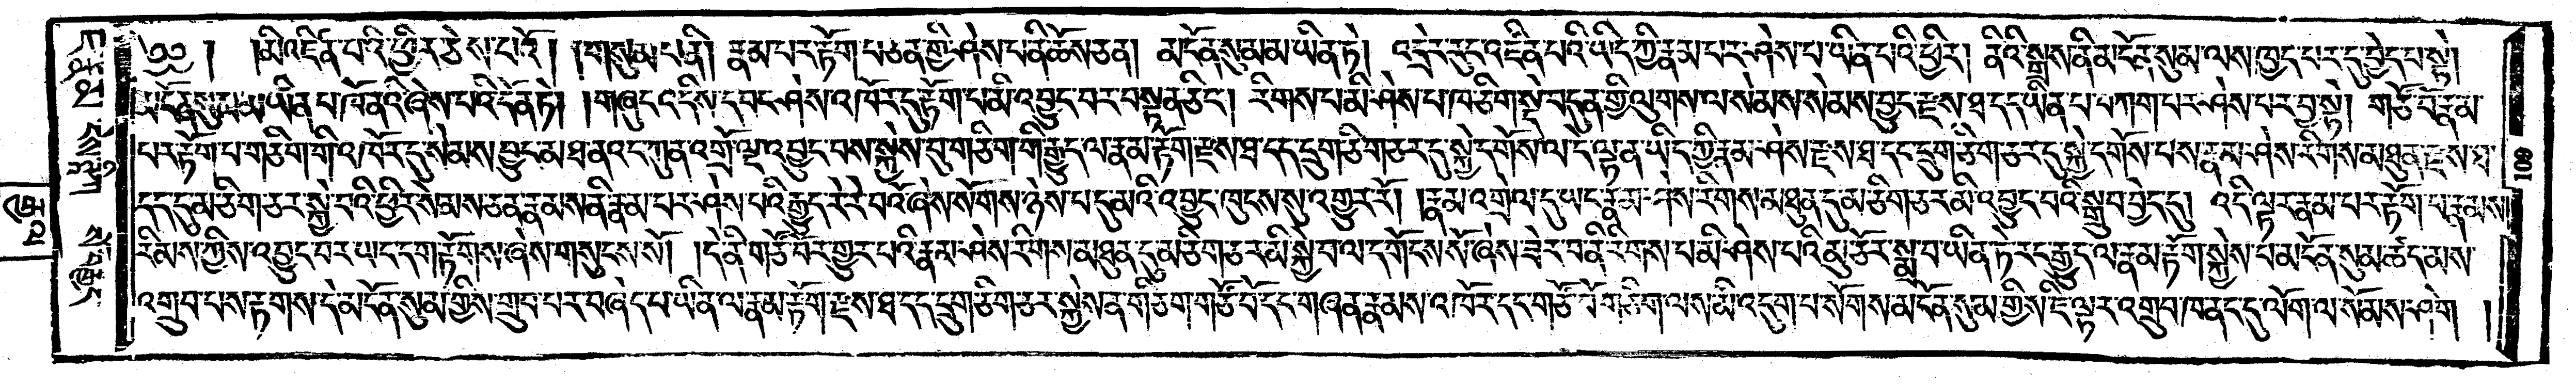༄༅། །མི་འཛིན་པའི་ཕྱིར་ཅེས་པའོ། །གསུམ་པ་ནི། རྣམ་པར་རྟོག་པ་ཅན་གྱི་ཤེས་པ་ནི་ཆོས་ཅན། མངོན་སུམ་མ་ཡིན་ཏེ། འདྲེར་རུང་འཛིན་པའི་ཡིད་ཀྱི་རྣམ་པར་ཤེས་པ་ཡིན་པའི་ཕྱིར། ནིའི་སྒྲས་ནི་མངོན་སུམ་ལས་ཁྱད་པར་དུ་བྱེད་པ་སྟེ།
མངོན་སུམ་མ་ཡིན་པ་ཁོ་ནའི་ཞེས་པའི་དོན་ཏེ། །གཞུང་འདིས་དབང་ཤེས་འཁོར་དུ་རྟོག་པ་མི་འབྱུང་བར་བསྟན་ཅིང་། རིགས་པ་མི་ཤེས་པ་ཁ་ཅིག་སྡེ་བདུན་གྱི་ལུགས་ལ་སེམས་སེམས་བྱུང་རྫས་ཐ་དད་ཡིན་པ་བཀག་པར་ཤེས་པར་བྱ་སྟེ། གཙོ་བོ་རྣམ་
པར་རྟོག་པ་གཅིག་གི་འཁོར་དུ་སེམས་བྱུང་མཐའ་?་ནའང་ཀུན་འགྲོ་ལྔ་འབྱུང་བས་སྐྱེས་བུ་གཅིག་གི་རྒྱུད་ལ་རྣམ་རྟོག་རྫས་ཐ་དད་དྲུག་ཅིག་ཅར་དུ་སྐྱེ་དགོས་ལ་དེ་ལྟ་ན་ཡིད་ཀྱི་རྣམ་ཤེས་རྫས་ཐ་དང་དྲུག་ཅིག་ཅར་དུ་སྐྱེ་དགོས་པས་རྣམ་ཤེས་རིགས་མཐུན་རྫས་ཐ་
དད་དུ་མ་ཅིག་ཅར་སྐྱེ་བའི་ཕྱིར་སེམས་ཅན་རྣམས་ནི་རྣམ་པར་ཤེས་པའི་རྒྱུད་རེ་རེ་བའོ་ཞེས་སོགས་ཉེས་པ་དུ་མའི་འབྱུང་ཁུངས་སུ་འགྱུར་རོ། །རྣམ་འགྲེལ་དུ་ཡང་རྣམ་ཤེས་རིགས་མཐུན་དུ་མ་ཅིག་ཅར་མི་འབྱུང་བའི་སྒྲུབ་བྱེད་དུ། འདི་ལྟར་རྣམ་པར་རྟོག་པ་རྣམས་
རིམས་ཀྱིས་འབྱུང་བར་ཡང་དག་རྟོགས་ཞེས་གསུངས་སོ། །དེ་ནི་གཙོ་བོར་གྱུར་པའི་རྣམ་ཤེས་རིགས་མཐུན་དུ་མ་ཅིག་ཅར་མི་སྐྱེ་བ་ལ་དགོངས་སོ་ཞེས་ཟེར་བ་ནི་རིགས་པ་མི་ཤེས་པའི་མུ་ཅོར་སྨྲ་བ་ཡིན་ཏེ་རང་རྒྱུད་ལ་རྣམ་རྟོག་སྐྱེས་པ་མངོན་སུམ་ཚད་མས་
འགྲུབ་པས་རྟགས་དེ་མངོན་སུམ་གྱིས་གྲུབ་པར་བཞེད་པ་ཡིན་ལ་རྣམ་རྟོག་རྫས་ཐ་དད་དྲུག་ཅིག་ཅར་སྐྱེས་ན་གཅིག་གཙོ་བོ་དང་གཞན་རྣམས་འཁོར་དང་གཙོ་བོ་གཅིག་ལས་མི་འདུག་པ་སོགས་མངོན་སུམ་གྱིས་ཇི་ལྟར་འགྲུབ་ཁ་ནང་དུ་ལོག་ལ་སོམས་ཤེག །